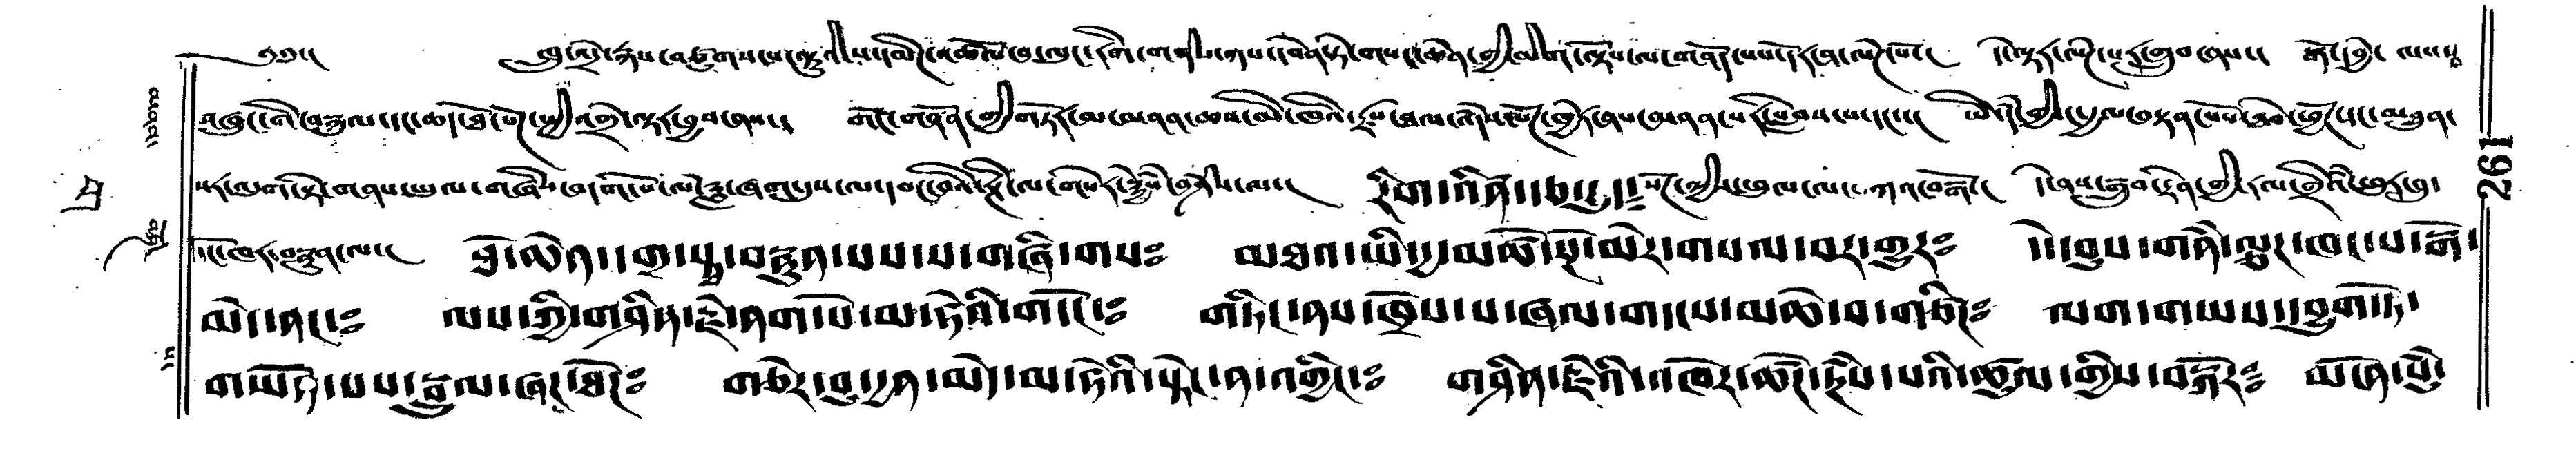ཁྲུ་འདྲེ་རྐས་བཙུགས་པ་ལྟ་བུའི་ས་དམིགས་འཚོལ་བ་ལུང་རིགས་གཉིས་ཀས་དབེན་ཏེ་གསང་ཆེན་གྱི་མིག་ལྟོས་ལ་གནོད་པས་དོར་ན་ལེགས་སོ།།དེ་ལྟར་ལེགས་པར་གྲུབ་ནས་སྒོ་དབྱེ་ལས་
གཞུང་གི་བསྐུལ་དང་ཆད་ཐོ་སོགས་སྤྱི་འགྲོ་ལྟར་བྱས་ནས། གོང་གནོན་གྱི་གཏོར་མ་མནན་ཆས་མི་ཁའི་རྫས་ཐལ་འདམས་སོགས་ཁྱེར་ནས་མནན་པར་བསླེབས་པ་དང་། ཡི་དམ་གྱི་ང་རྒྱལ་བརྟན་པོས་ཐེབ་ཕྱོགས་དང་མཐུན་
པར་འདུག་སྟེ་གནས་ཡུལ་གཞིས་བདག་པཽ་ལོ་ཟླ་ཞག་དུས་ལ་དབང་བའི་རིགས་ལ་གསེར་སྐྱེམས་བཤམས་ལ་རིག་འཛིན་རྩ་རྒྱུད་སོགས་ཀྱིས་ཕུལ་ལ་བཀའ་བསྒོ། དེ་ནས་སྒྲུབ་རྟེན་གྱི་རལ་གྲིའམ་ཕུར་བུ་
དོང་ཁོར་བསྣུན་ལ་ཐོ་ཆེན་དགྲ་སྟྭ་བསྣུན་པས་ས་གཞི་གསཿ མཐའ་ཡི་རྒྱ་མཚོ་སྔོ་མེར་གསལ་བར་གྱུརཿ དེ་དབུས་གནམ་ལྕགས་ཁང་པ་སྒོ་
མེད་ནངཿ ལས་ཀྱི་གཤིན་རྗེ་ནག་པོ་མ་ཧེའི་གདོངཿ གཏིང་ནས་ཁྲོས་པ་ཞལ་གདངས་མཆེ་བ་གཙིགསཿ ལག་གཡས་དབྱུག་ཏོ་
གཡོན་པས་སྦྲུལ་ཞགས་ཐོགསཿ གཅེར་བུ་རྒྱན་མེད་མ་ཧེའི་སྟེང་ན་འགྱིངཿ གཤིན་རྗེའི་འཁོར་ཚོགས་རྔམ་པའི་ཚུལ་གྱིས་བསྐོརཿ མངོན་སུམ་